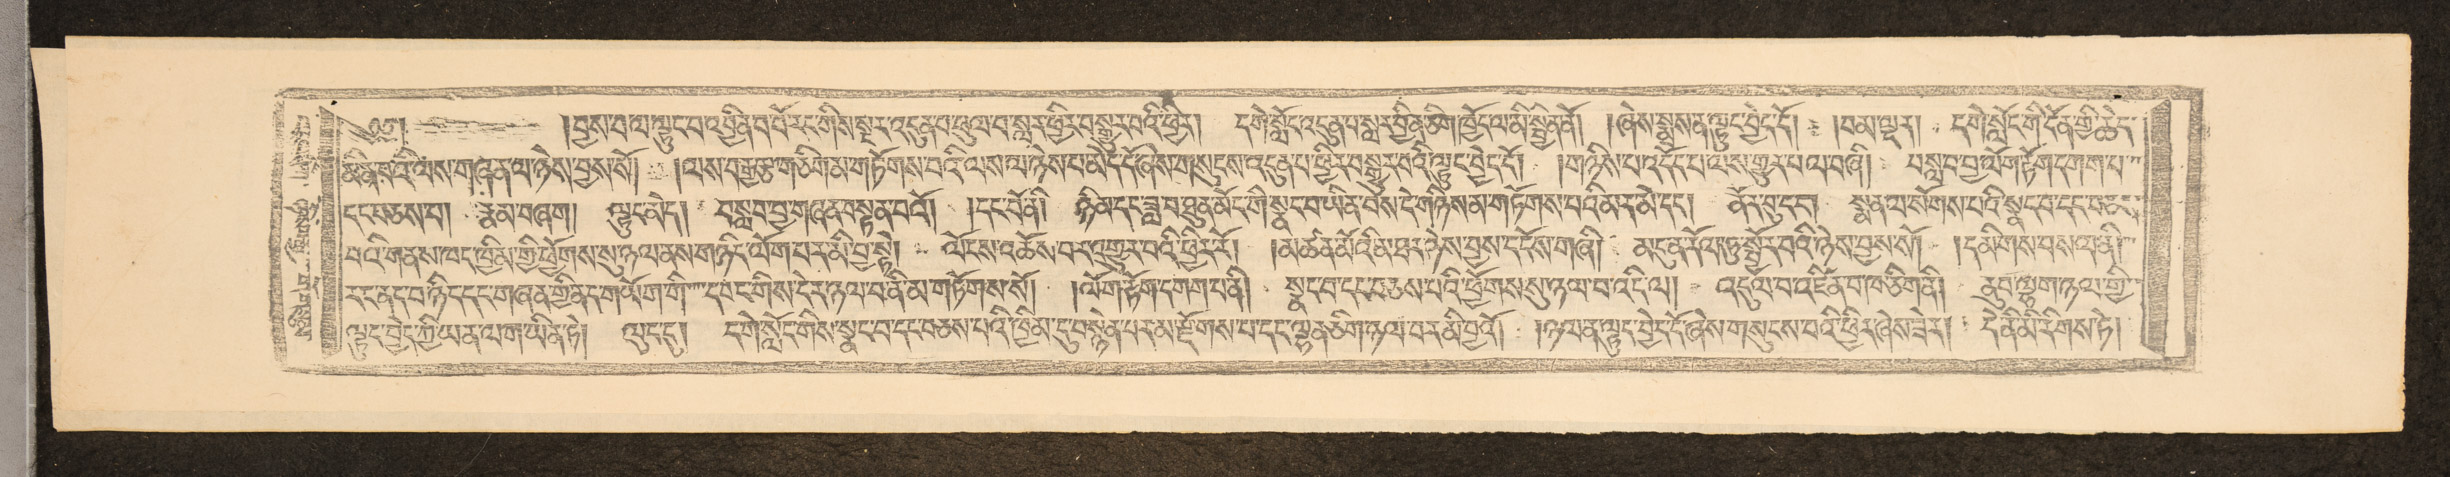༄༅། །བྱས་པ་ལ་ལྟུང་བ་འབྱིན་པ་པོ་རང་གིས་སྔར་འདུན་པ་ཕུལ་བ་སླར་ཕྱིར་བསྒྱུར་བའི་ཕྱིར། དགེ་སློང་འདུན་པ་སླར་བྱིན་ཅིག་ཁྱོད་ལ་མི་སྦྱིན་ནོ། །ཞེས་སྨྲས་ན་ལྟུང་བྱེད་དོ། །བམ་ལྔར། དགེ་སློང་གི་དོན་གྱི་ཆེད་
མིན་པའི་ལས་གཞན་ལ་ཉེས་བྱས་སོ། །ལས་བརྒྱ་རྩ་གཅིག་མ་གཏོགས་པའི་ལས་ལ་ཉེས་པ་མེད་དོ་ཞེས་གསུངས་འདུན་པ་ཕྱིར་བསྒྱུར་བའི་ལྟུང་བྱེད་དོ། །གཉིས་པ་འདོང་པ་ལས་གྱུར་པ་ལ་བཞི། བསླབ་བྱ་ལོག་རྟོག་དགག་པ་
དང་བཅས་པ། རྣམ་བཞག། ལྟུང་མེད། བསླབ་བྱ་གཞན་བསྟན་པའོ། །དང་པོ་ནི། ཉི་མ་དང་ཟླ་བ་ཐུན་མོང་གི་སྣང་བ་ཡིན་པས་དེ་གཉིས་མ་གཏོགས་པའི་མར་མེ་དང་། ནོར་བུ་དང་། སྨན་ལ་སོགས་པའི་སྣང་བ་དང་བཅས་
པའི་གནས་ཁང་ཁྱིམ་གྱི་ཕྱོགས་སུ་ཉལ་ནས་གཉིད་ལོག་པར་མི་བྱ་སྟེ། ལོངས་འཆོས་པར་འགྱུར་བའི་ཕྱིར་རོ། །མཚན་མོའི་མཐར་ཉེས་བྱས་དངོས་གཞི། མདུན་རོལ་ཏུ་སྦྱོར་བའི་ཉེས་བྱས་སོ། །དམིགས་བསལ་ནི།
རང་ནད་པ་ཉིད་དང་གཞན་གྱི་ནད་གཡོག་གི་དབང་གིས་དེར་ཉལ་བ་ནི་མ་གཏོགས་སོ། །ལོག་རྟོག་དགག་པ་ནི། སྣང་བ་དང་བཅས་པའི་ཕྱོགས་སུ་ཉལ་བ་འདི་ལ། འདུལ་བ་འཛིན་པ་ཁ་ཅིག་ནི། ནུབ་ལྷག་ཉལ་གྱི་
ལྟུང་བྱེད་ཀྱི་ཡན་ལག་ཡིན་ཏེ། ལུང་དུ། དགེ་སློང་གིས་སྣང་བ་དང་བཅས་པའི་ཁྱིམ་དུ་བསྙེན་པར་མ་རྫོགས་པ་དང་ལྷན་ཅིག་ཉལ་བར་མི་བྱའོ། །ཉལ་ན་ལྟུང་བྱེད་དོ་ཞེས་གསུངས་པའི་ཕྱིར་ཞེས་ཟེར། དེ་ནི་མི་རིགས་ཏེ།